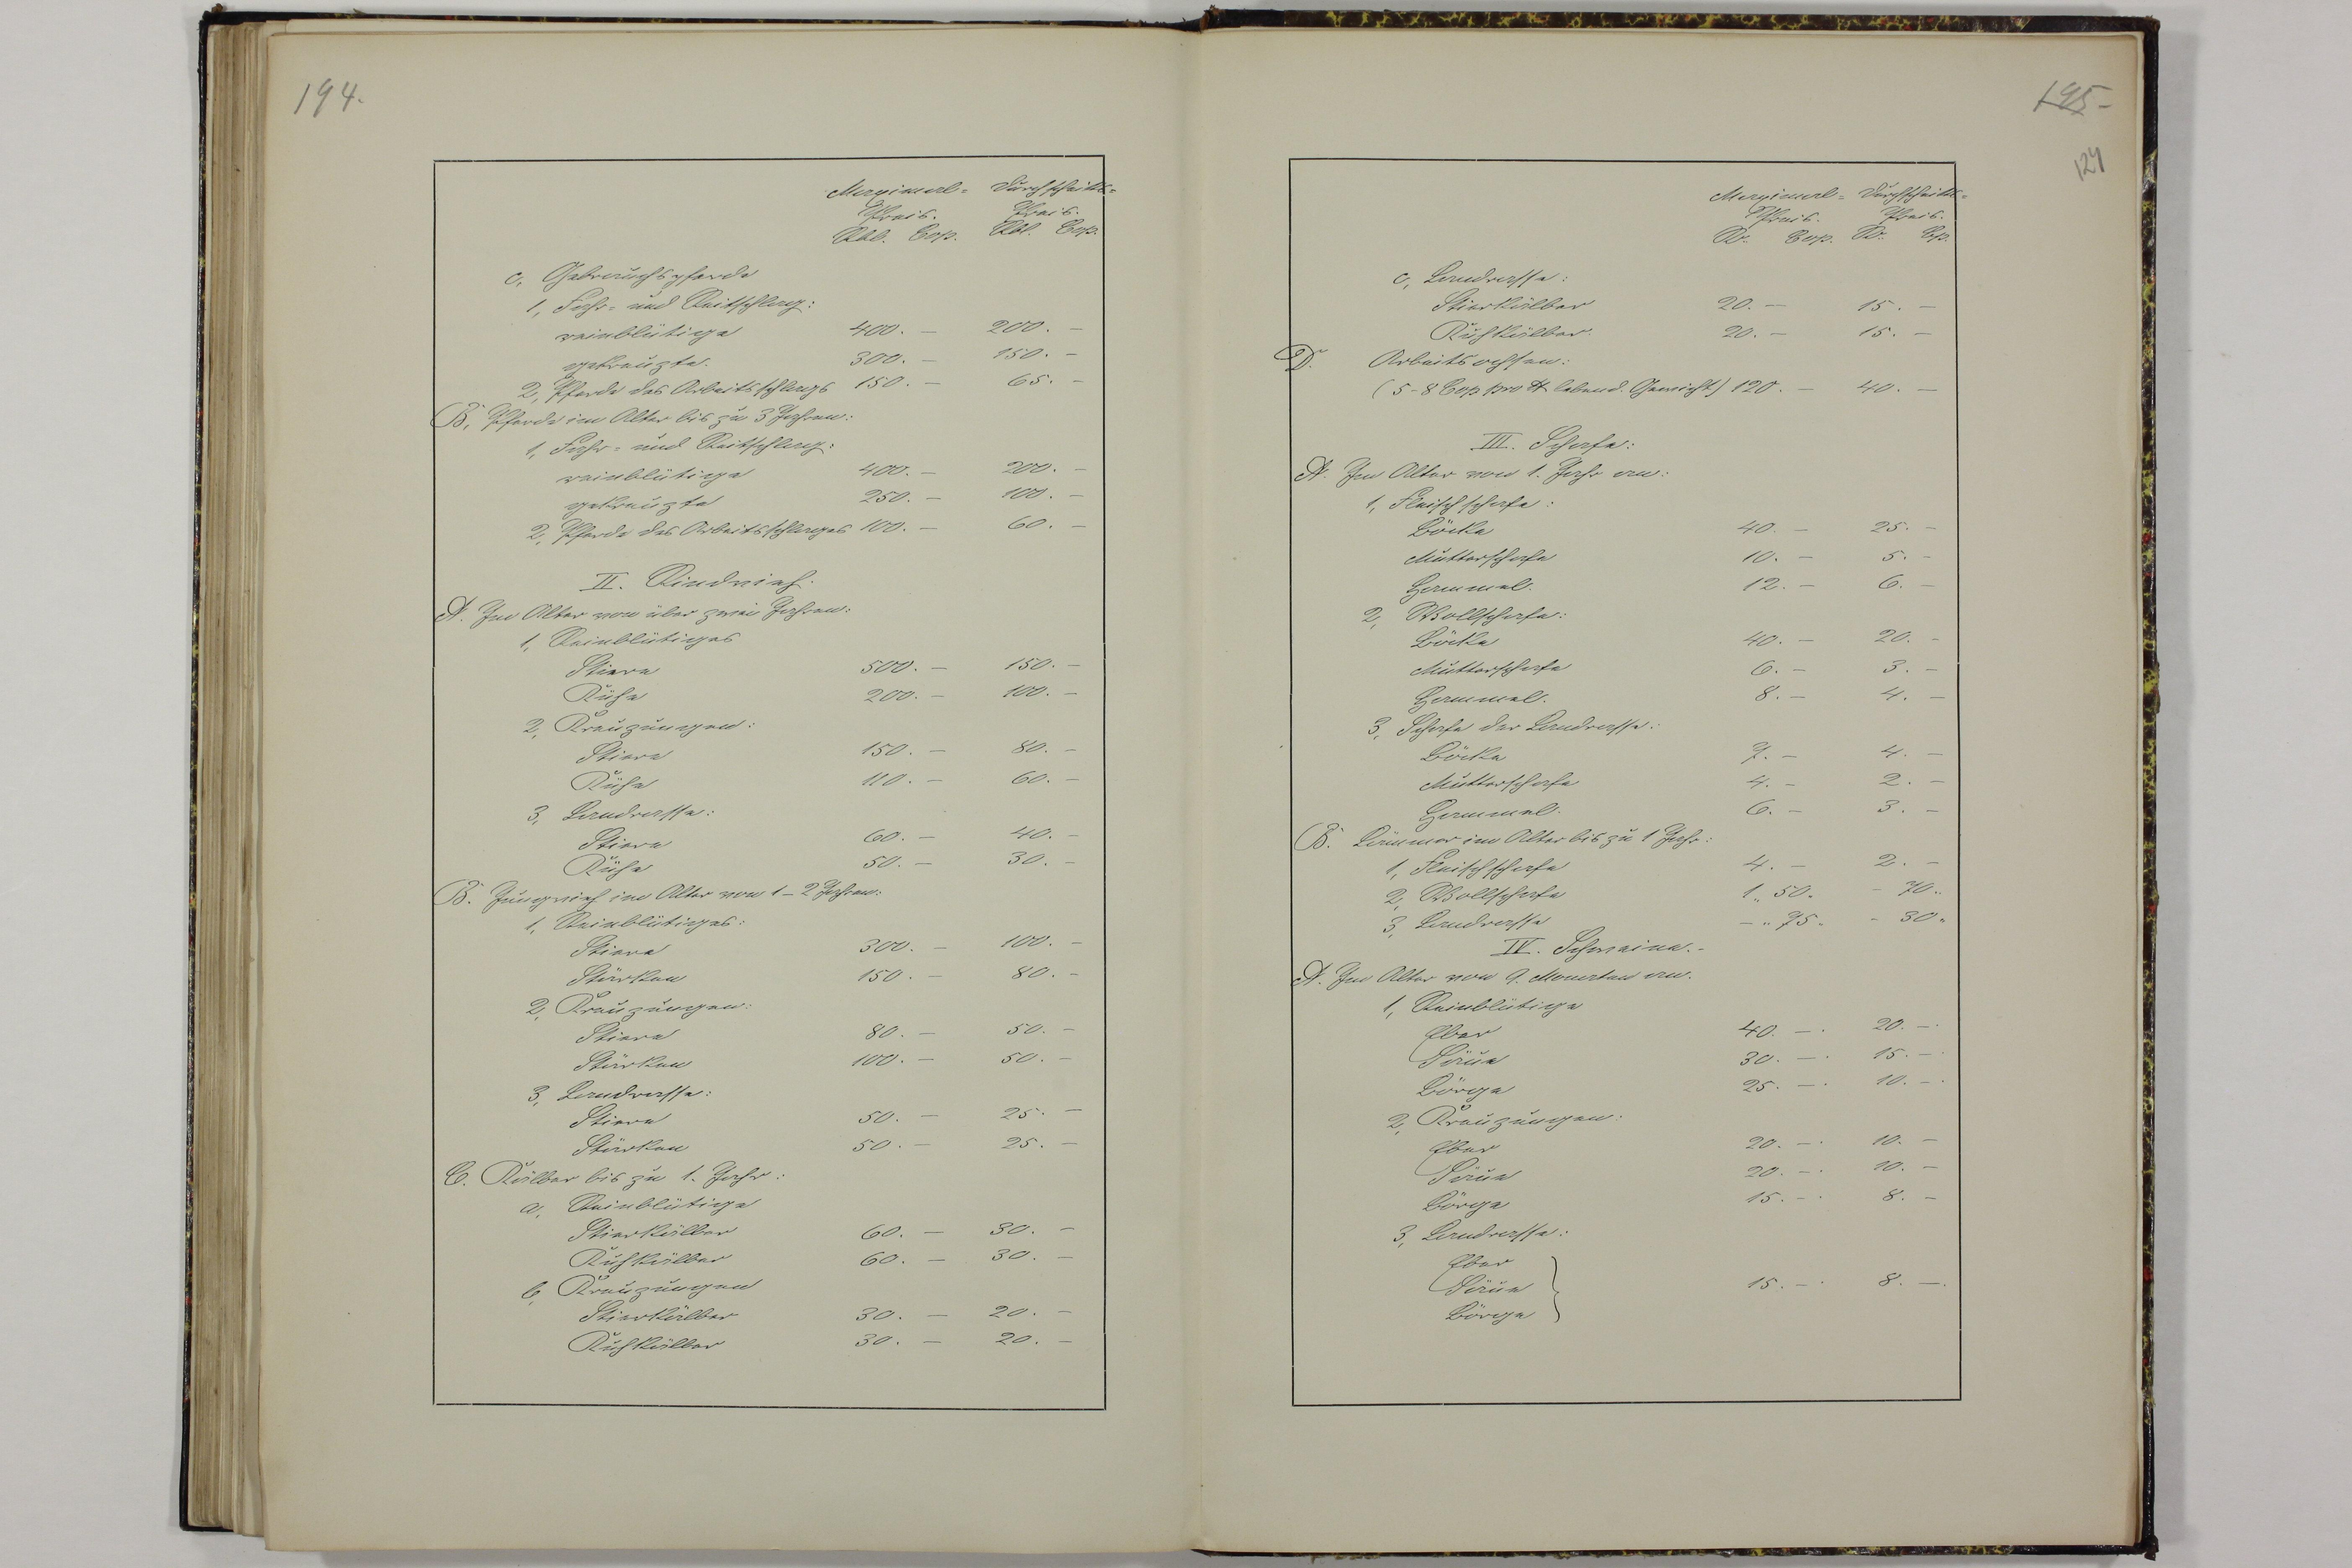Maximal-
Preis
Durchschnitts-
Preis
Rbl.
Cop.
Rbl.
Cop.
c. Gebrauchspferde
1. Fahr- und Reitschlag:
reinblütige
400
200
gekreuzte
300
150
2. Pferde des Arbeitsschlages
150
65
B. Pferde im Alter bis zu 3 Jahren:
1. Fahr- und Reitschlag:
reinblütige
400
200
gekreuzte
250
100
2. Pferde des Arbeitsschlages
100
60
II. Rindvieh
A. Im Alter von über zwei Jahren:
1. Reinblütiges
Stiere
500
150
Kühe
200
100
2. Kreuzungen:
Stiere
150
80
Kühe
110
60
3. Landrasse:
Stiere
60
40
Kühe
50
30
B. Jungvieh im Alter von 1-2 Jahren:
1. Reinblütiges:
Stiere
300
100
Stärken
150
80
2. Kreuzungen:
Stiere
80
50
Stärken
100
50
3. Landrasse:
Stiere
50
25
Stärken
50
25
C. Kälber bis zu 1 Jahr:
a. Reinblütige
Stierkälber
60
30
Kuhkälber
60
30
b. Kreuzungen
Stierkälber
30
20
Kuhkälber
30
23
Maximal-
Preis
Durchschnitts-
Preis
R.
Cop.
R.
Cop.
c. Landrasse:
Stierkälber
20
15
Kuhkälber
20
15
D. Arbeitsochsen:
(5-8 Cop. pro lb lebend. Gewicht)
120
40
III. Schafe:
A. Im Alter von 1 Jahr an:
1. Fleischschafe:
Böcke
40
25
Mutterschafe
10
5
Hammel
10
5
2. Wollschafe
Böcke
40
20
Mutterschafe
6
3
Hammel
8
4
3. Schafe der Landrasse
Böcke
7
4
Mutterschafe
4
2
Hammel
6
3
B. Lämmer im Alter bis zu 1 Jahr:
1. Fleischschafe
4
2
2. Wollschafe
1
50
70
3. Landrasse
75
30
IV. Schweine
A. Im Alter von 9. Monaten an:
1. Reinblütige
Eber
40
20
Säue
30
15
Börge
25
10
2. Kreuzungen:
Eber
20
10
Säue
20
10
Börge
15
8
3. Landrasse:
Eber
Säue
Börge
15
8